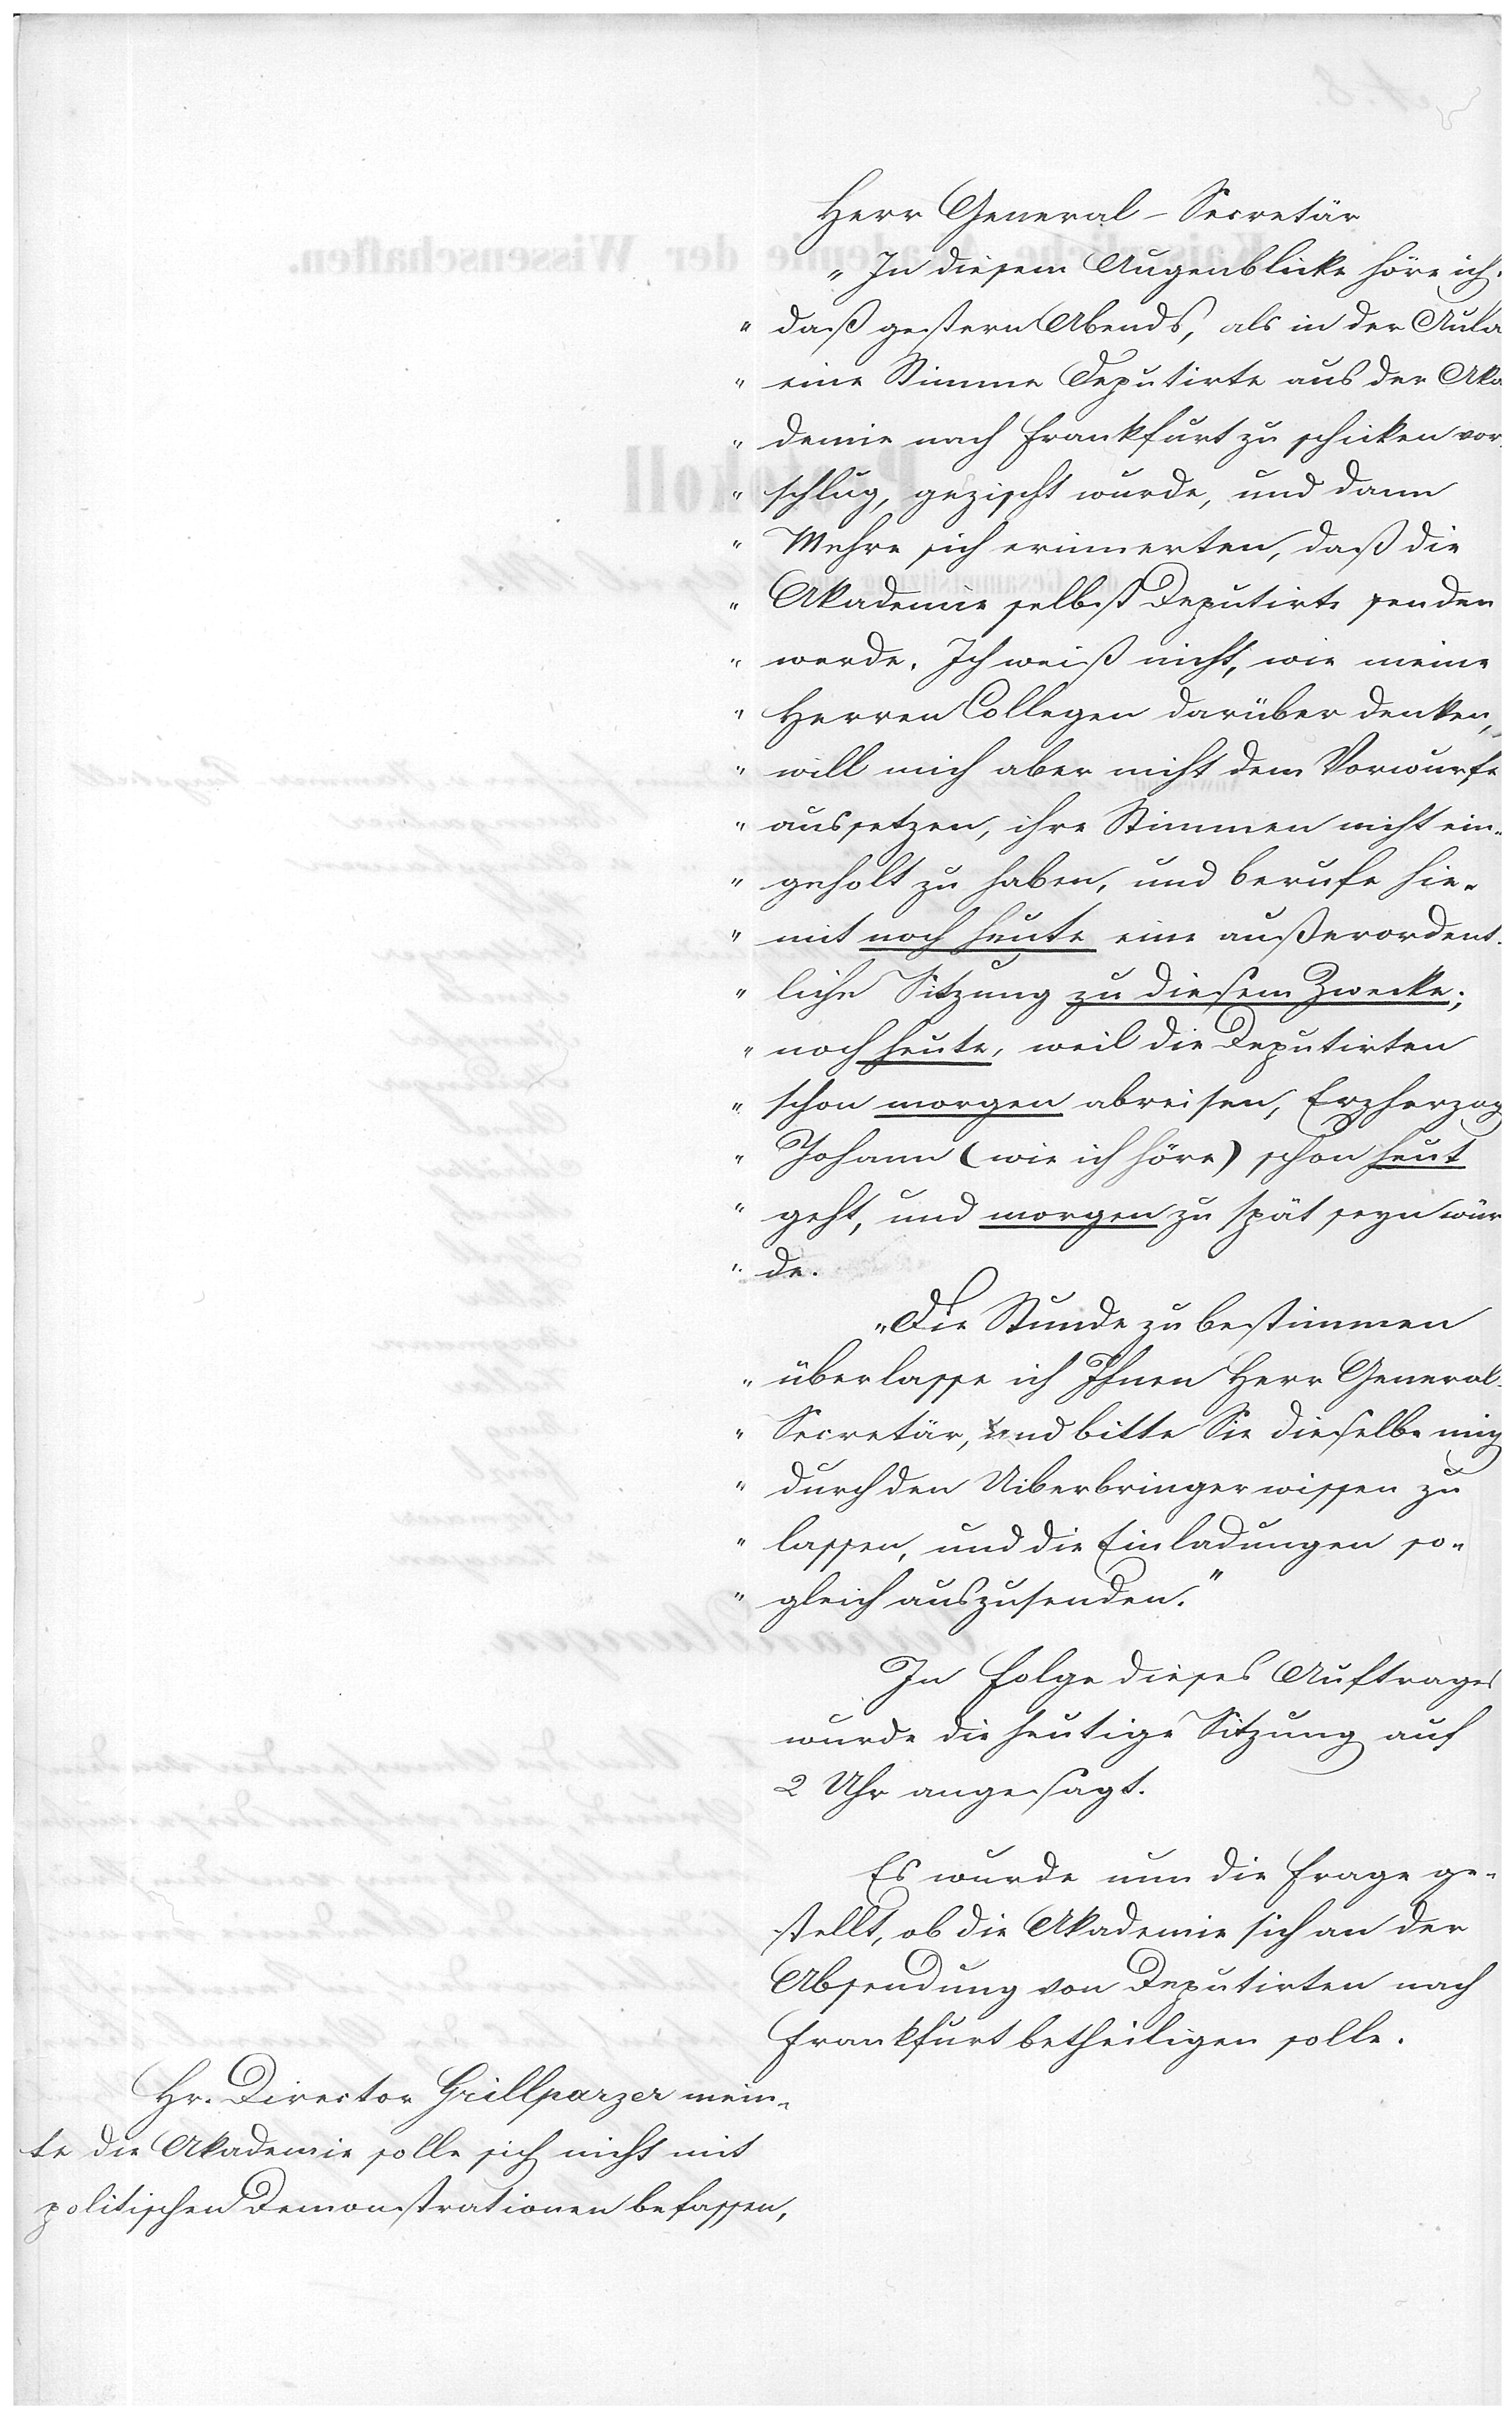Herr General-Secretär
" In diesem Augenblicke höre ich,
" daß gestern Abends, als in der Aula
" eine Stimme Deputirte aus der Aka-
" demie nach Frankfurt zu schiken vor-
" schlug, gezischt wurde, und dann
" Mehre sich erinnerten, daß die
" Akademie selbst Deputirte senden
" werde. Ich weiß nicht, wie meine
" Herren Collegen darüber denken,
" will mich aber nicht dem Verwurfe
" aussetzen, ihre Stimmen nicht ein-
" geholt zu haben, und berufen hie-
" mit noch heute eine außerordent-
" liche Sitzung zu diesem Zwecke;
" noch heute, weil die Deputierten
" schon morgen abreisen, Erzherzog
" Johann (wie ich höre) schon heut
" geht, und morgen zu spät seyn wür-
" de.
" Die Stunde zu bestimmen
" überlasse ich Ihnen Herr General-
" Secretär, und bitte Sie dieselbe mich
" durch den Uiberbringer wissen zu
" lassen, und die Eimladungen so-
"gleich auszusenden."
In Folge diess Auftrages
wurde die heutigen Sitzung auf
2 Uhr angesagt.
Es wurde nun die Frage ge-
stellt, ob die Akademie sich an der
Absendung von Deputirten nach
Erankfirt betheiligen solle.
Hr. Director Grillparzer mein-
te die Akademie solle sich nicht mit
politischen Demonstrationen befassen,